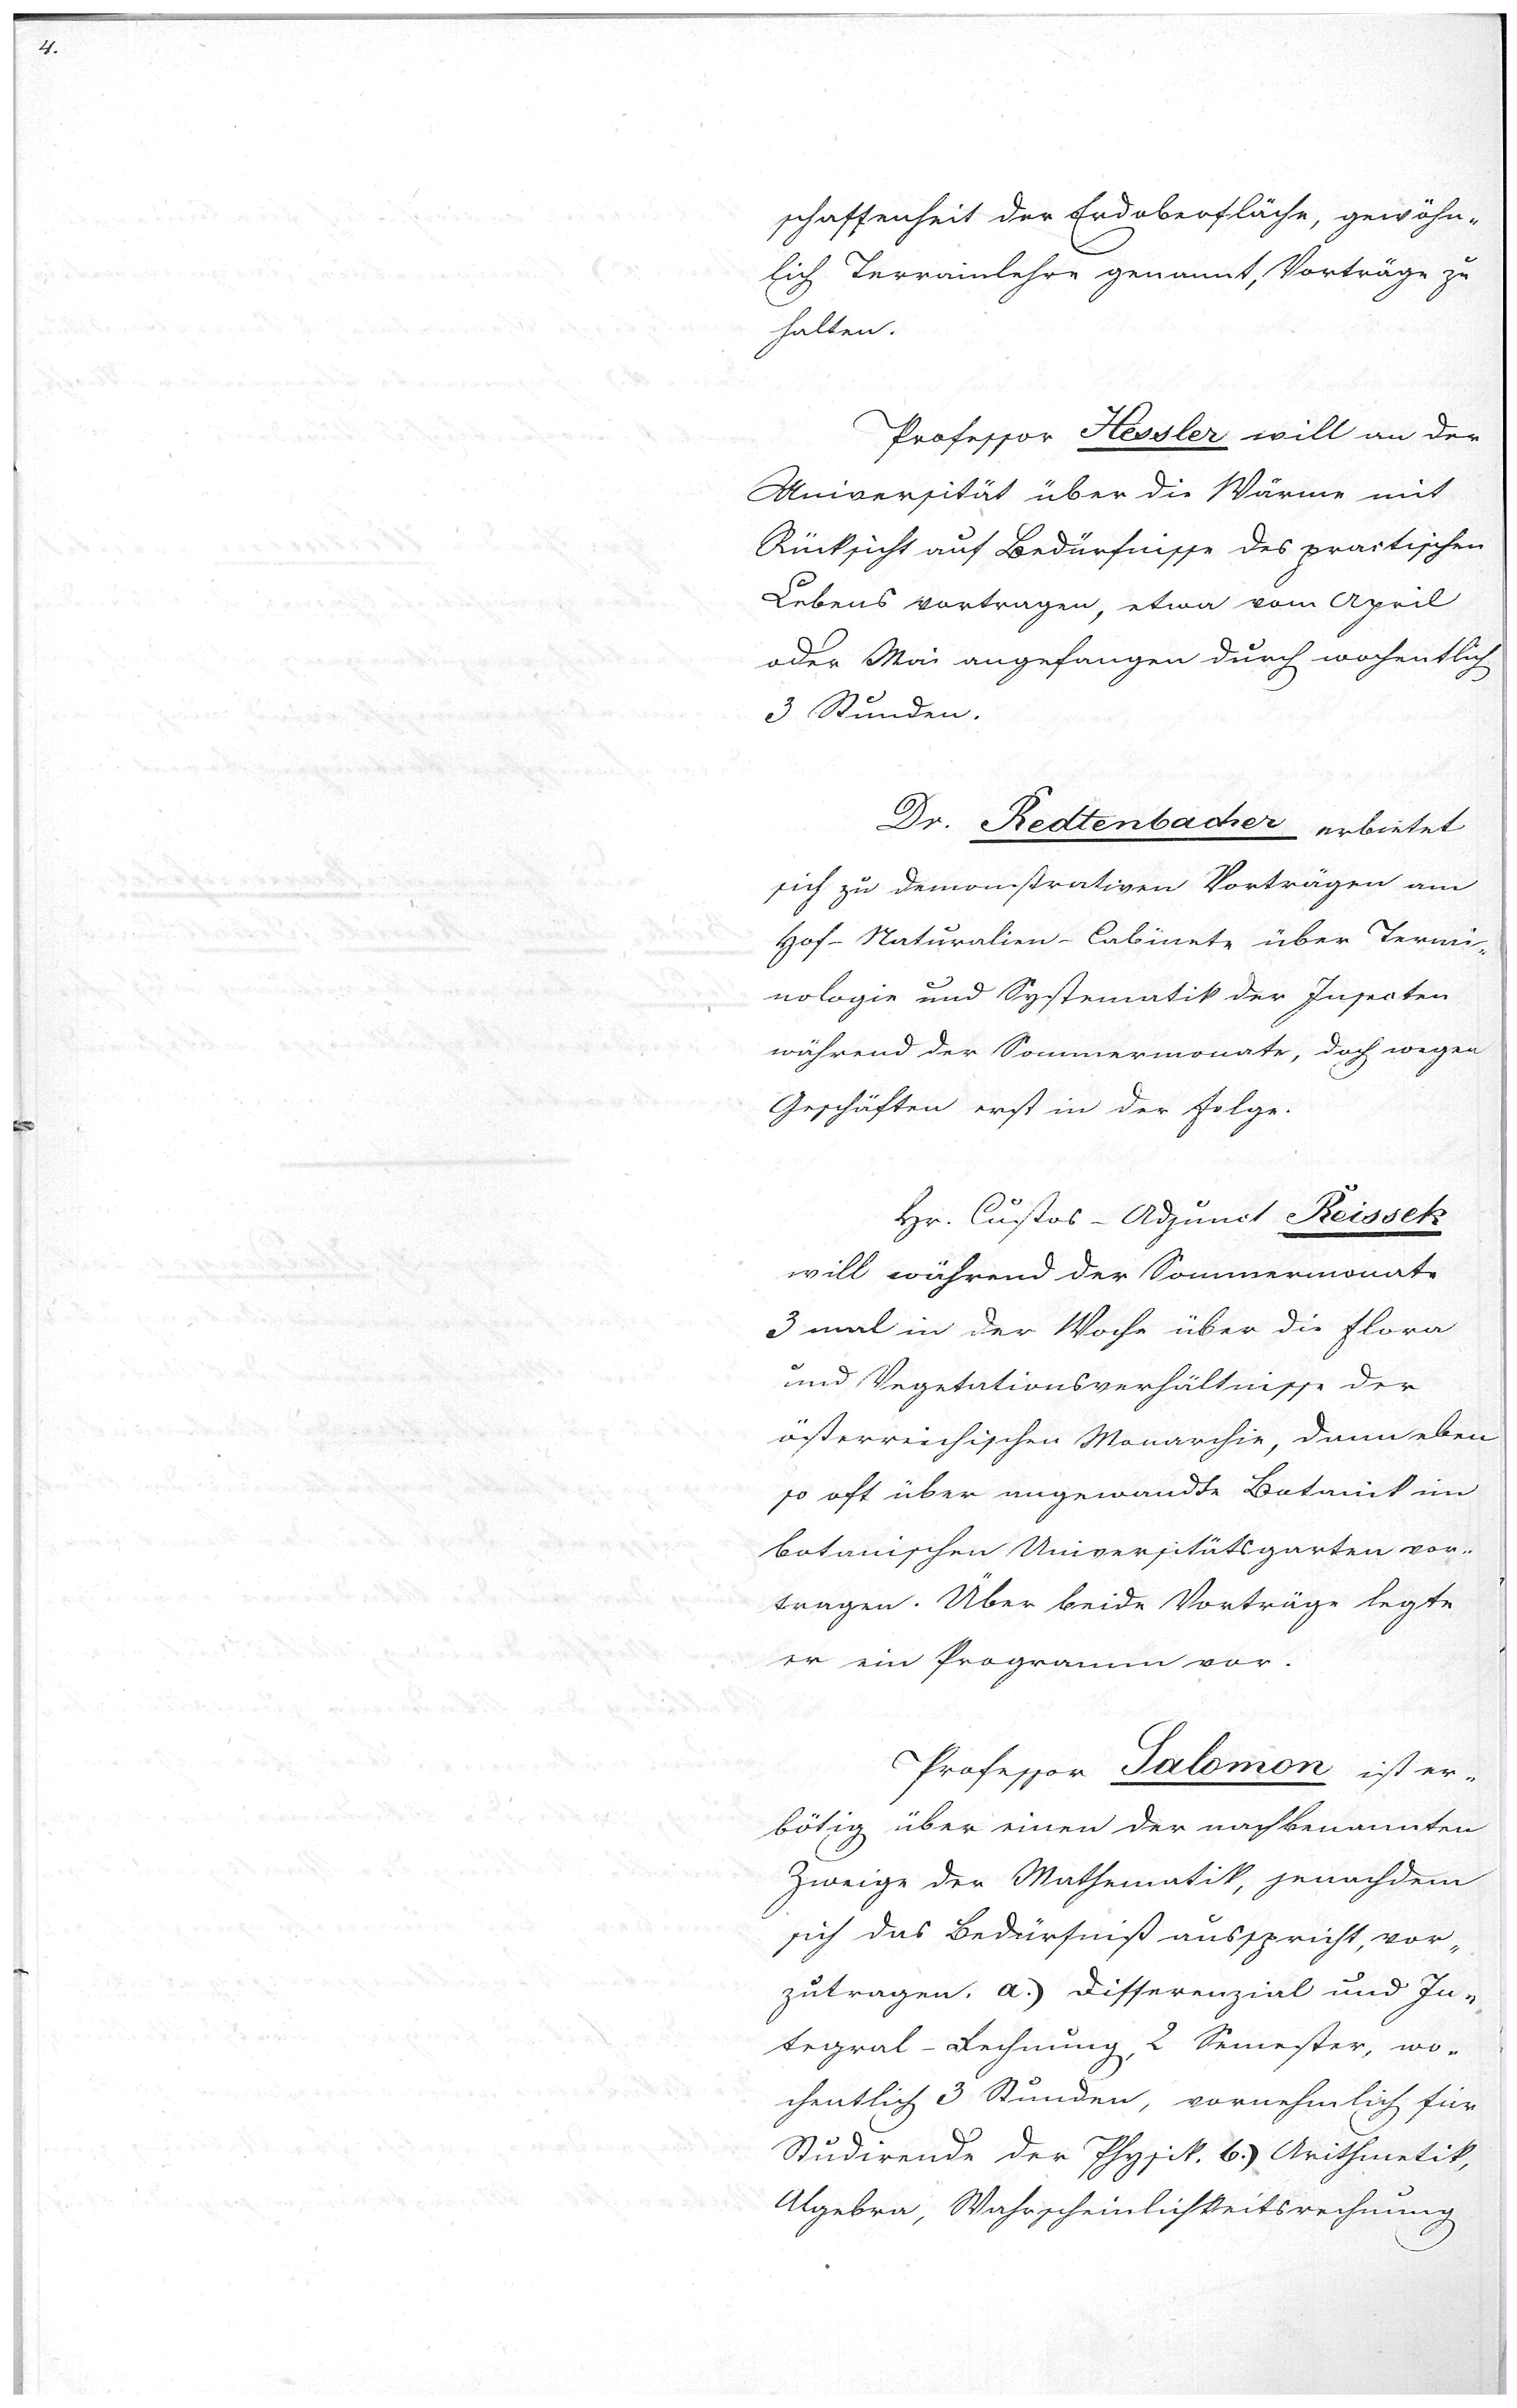schaffenheit der Erdoberfläche, gewöhn-
lich Terrainlehre genannt, Vorträge zu
halten.
Professor Hessler will an der
Universität über die Wärme mit
Rücksicht auf Bedürfnisse des practischen
Lebens vortragen, etwa vom April
oder Mai angefangen durch wochentlich
3 Stunden.
Dr. Redtenbacher erbietet
sich zu demonstrativen Vorträgen am
Hof-Naturalien-Cabinete über Termi-
nologie und Systematik der Insecten
während der Sommermonate, doch wegen
Geschäften erst in der Folge.
Hr. Custos-Adjunct Reissek
will während der Sommermonate
3 mal in der Woche über die Flora
und Vegetationsverhältnisse der
österreichischen Monarchie, dann eben
so oft über angewandte Botanik im
botanischen Universitätsgarten vor-
tragen. Über beide Vorträge legte
er ein Programm vor.
Professor Salomon ist er-
bötig über einen der nachbenannten
Zweige der Mathematik, jenachdem
sich das Bedürfniß ausspricht, vor-
zutragen. a) Differenzial und In-
tegral-Rechnung, 2 Semester, wo-
chentlich 3 Stunden, vornehmlich für
Studirende der Physik. b) Arithmetik,
Algebra, Wahrscheinlichkeitsrechnung